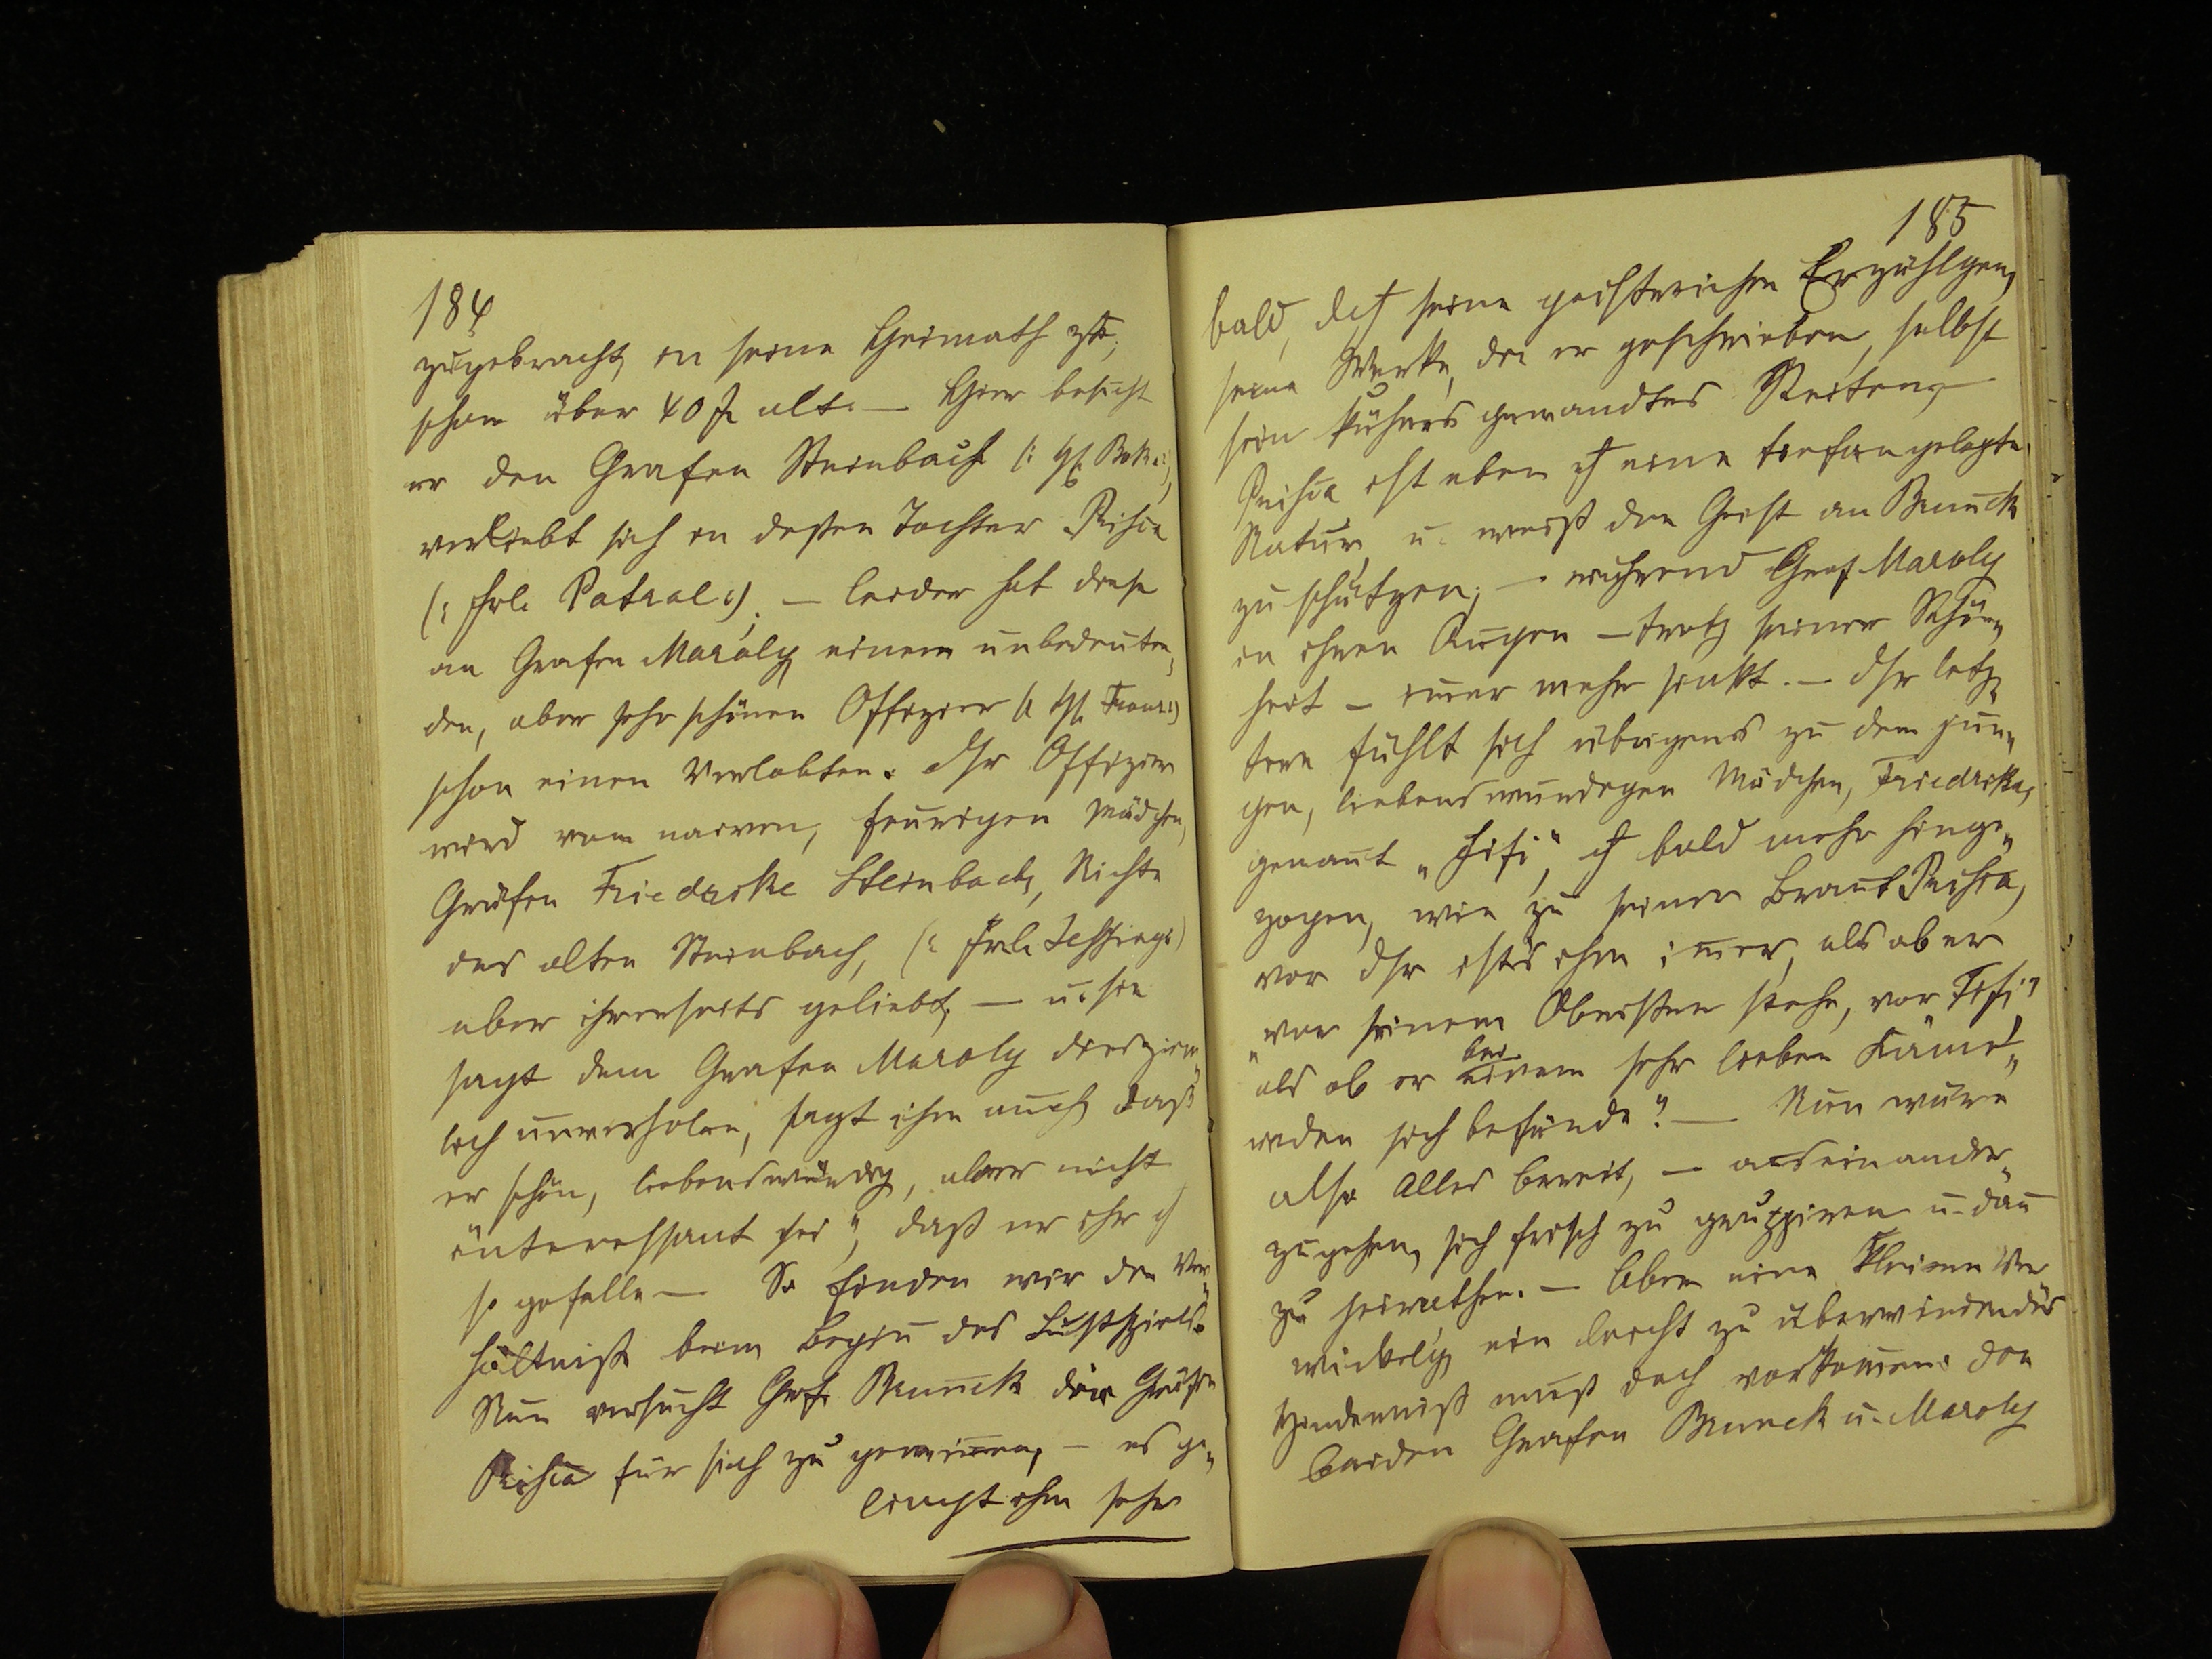184
zugebracht, in seine Heimat zurück
schon über 40 Jahre alt—Hier besucht
er den Grafen Steinbach ( : H. Bako : )
verliebt sich in deßen Tochter Riha
( : Frl. Patrali : ) --leider hat diese
am Grafen Maraly, einen unbedeuteten ,
aber sehr schönen Offizier ( : H. Franz : )
schon einen Verlobten. Dieser Offizier
wird vom naivem, feurigen Mädchen
Gräfin Friedericke Steinbach , Nichte
des alten Steinbach ( : Frl. Lessinger : )
aber ihrerseits geliebt,- -und sie
sagt dem Grafen Maroly dies
unverholen, sagt ihm auch das
er schön und liebeswürdig, aber nicht
interessant sei, daß er ihr
so gefalle,-- So finden wir die Ver¬
hältnisse beim Beginn des Lustspiels.
Nun versucht Graf Bruneck die Gräfin
Riha für sich zu gewinnen.-es ge¬
lingt ihm sehr
185
bald, durch seine geistreiche Erzählungen,
seine Werke, die er geschrieben , selbst
sein kühnes gewandtes Reiten.-
Riha ist eben eine tiefengelagerte
Natur, und weiß den Geist an Bruneck
zu schätzen;-- während Graf Maroly
in ihren Augen - trotz seiner Schön¬
heit- immer mehr sinkt.- Dieser letz¬
tere fühlt sich übrigens zu dem jun¬
gen , liebenswürdigen Mädchen Friederike,
genannt „Fifi“ auch bald mehr hinge¬
zogen, wie zu seiner Braut Riha
vor dieser ist´s ihm immer, als ob er
vor seinem Obristen steht , vor „Fifi“
bei
als ob er einem sehr lieben Kame¬
raden sich befinde,- Nun wäre also
alles bereit,- auseinander¬
zugehen, sich frisch zu gruppieren und dann
zu heiraten.- Aber eine kleine Ver¬
wickung ein leicht zu überwindendes
Hindernis muß doch vorkommen. Die
beiden Grafen Bruneck und Marloy